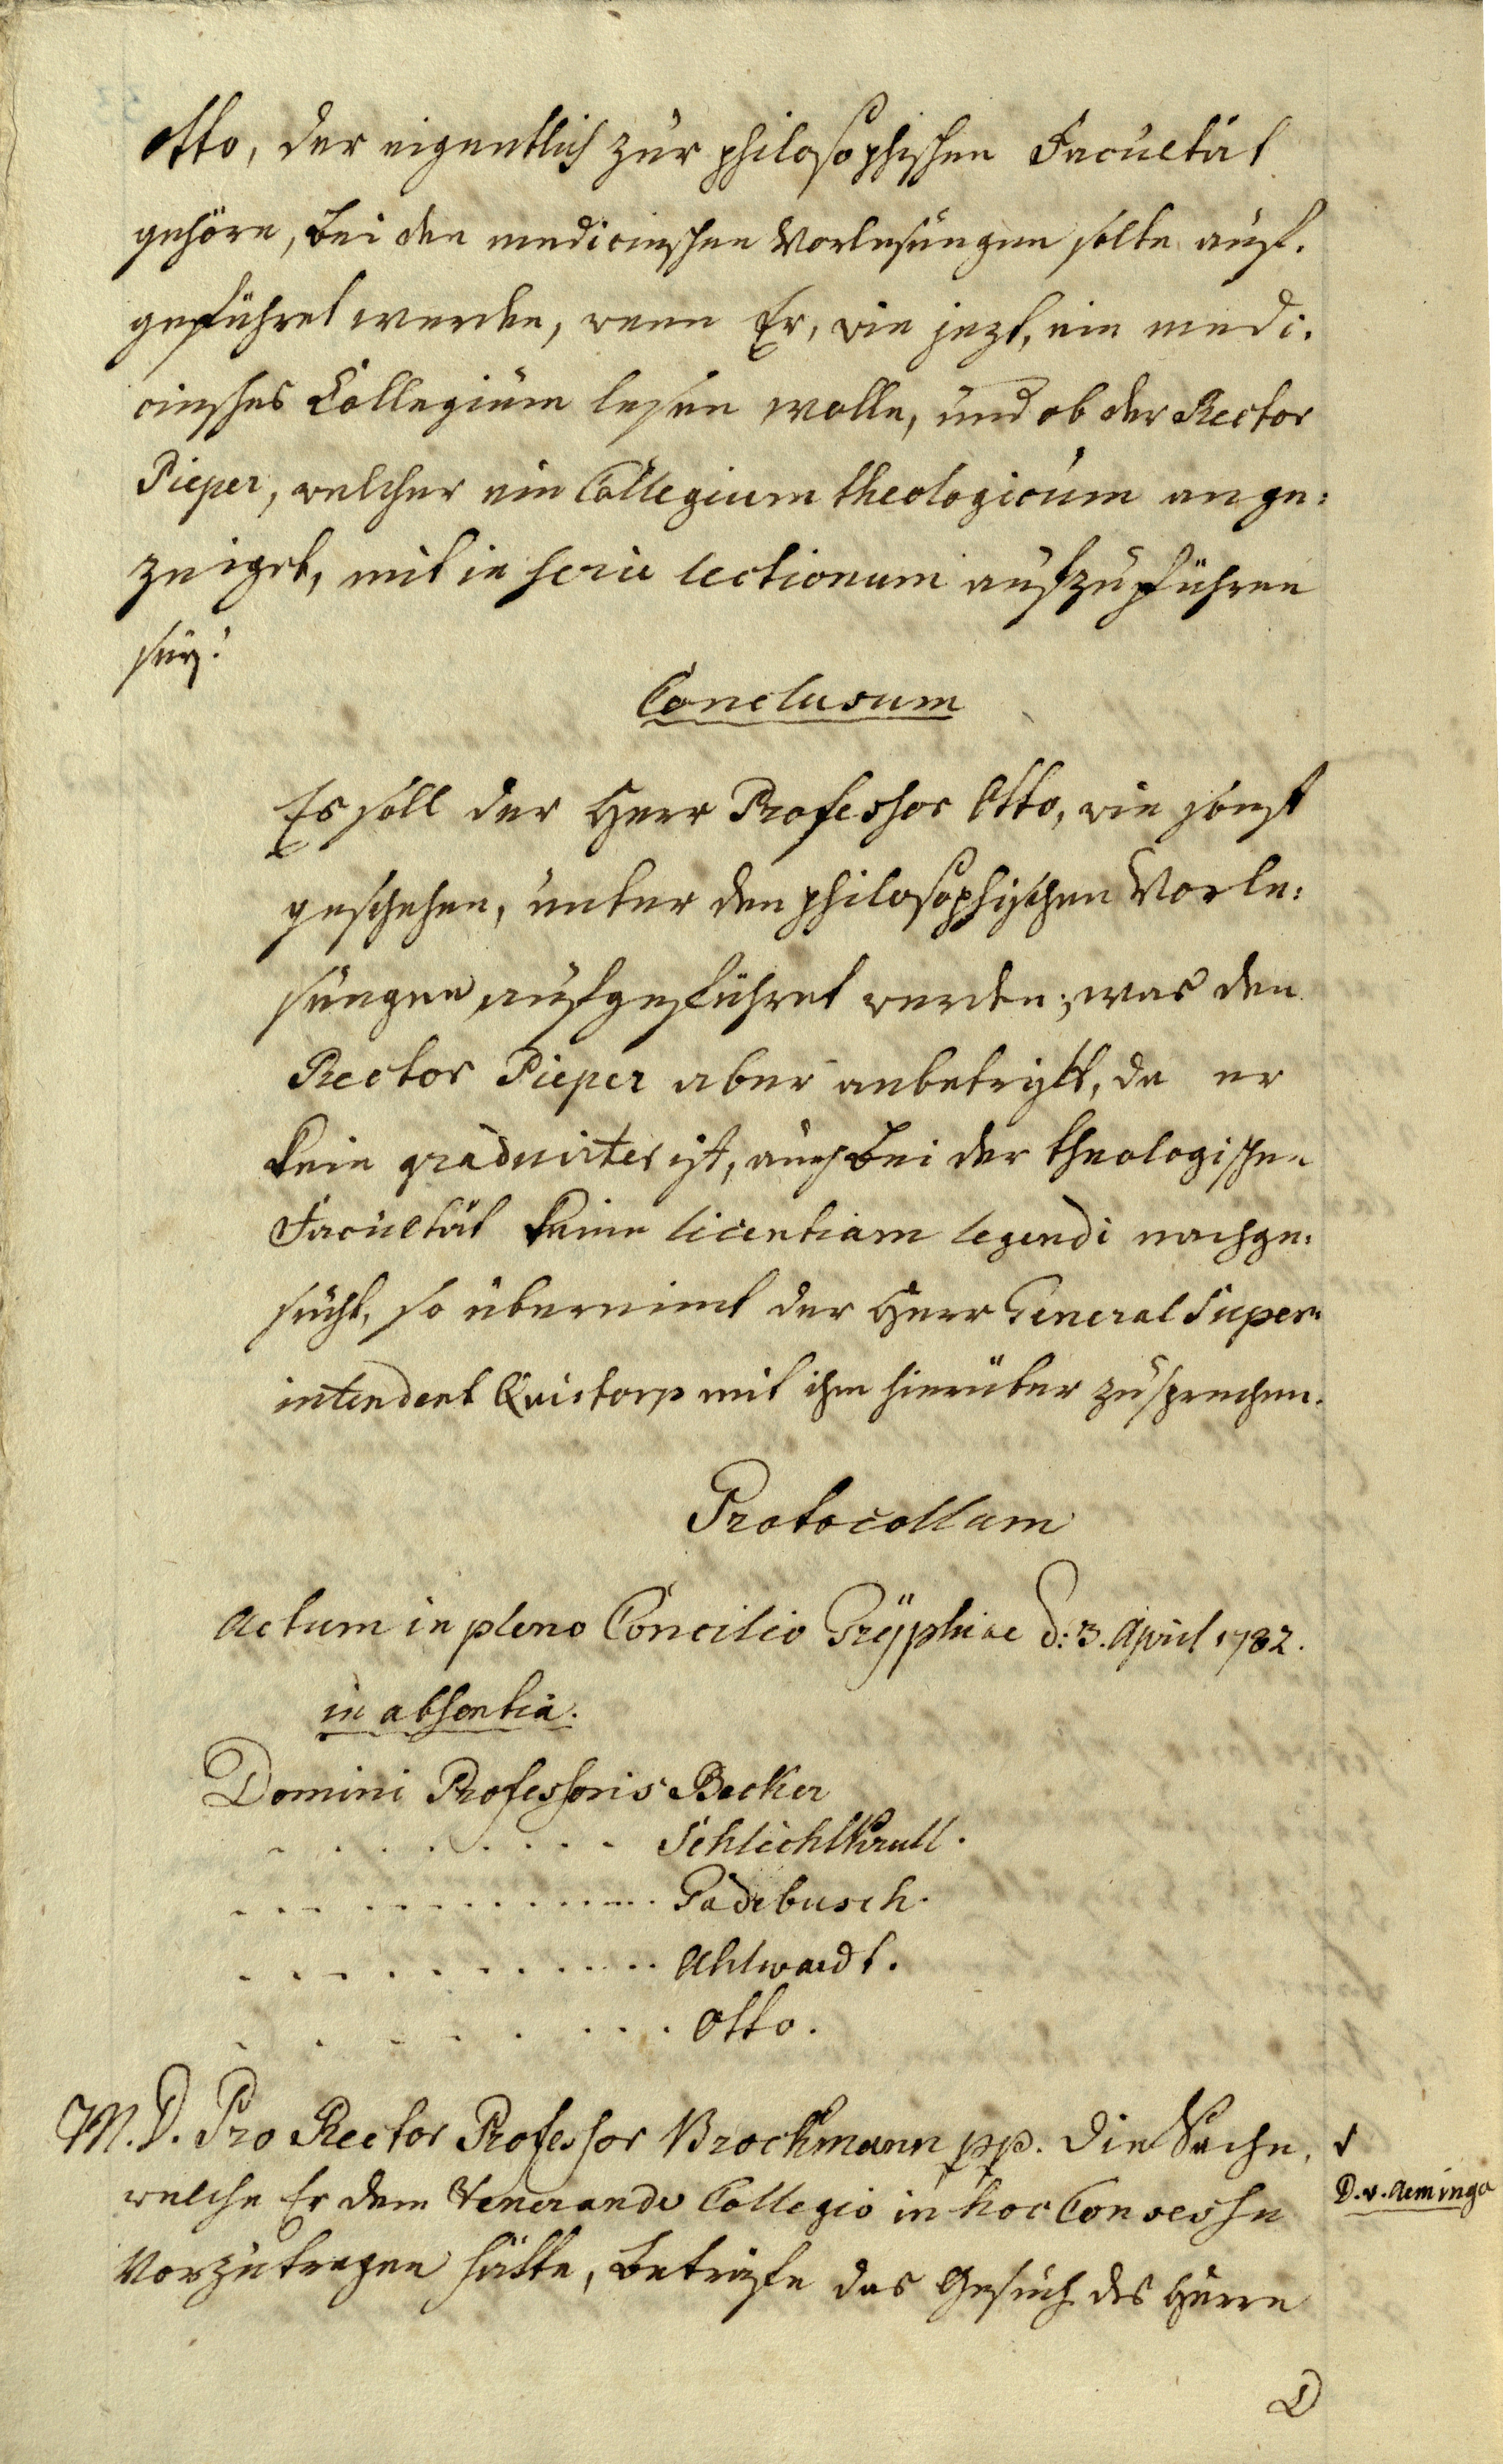Otto, der eigentlich zur philosophischen Facultät
gehöre, bei den medicinischen Vorlesungen solte auf¬
geführet werden, wenn Er, wie jezt, ein medi¬
cinsches Collegium lesen wolle, und ob der Rector
Pieper, welcher ein Collegium theologicum ange¬
zeiget, mit in serie lectionum aufzuführen
seÿ?
Conclusum
Es soll der Herr Professor Otto, wie sonst
geschehen, unter den philosophischen Vorle¬
sungen aufgeführet werden; was den
Rector Pieper aber anbetrift, da er
kein graduirter ist, auch bei der theologischen
facultät keine licentiam legendi nachge¬
sucht, so übernimt der Herr GeneralSuper¬
intendent Quistorp mit ihm hierüber zu sprechen.
Protocollum
Actum in pleno Concilio Grÿphiae d. 3. April 1782.
in absentia
Domini Professoris Becker
Schlichtkrull.
Gadebusch.
Ahlwardt.
Otto.
M. D. Pro Rector Professor Brockmann pp. Die Sache,
welche Er dem Venerando Collegio in hoc Consessu
vorzutragen hätte, beträfe das Gesuch des Herrn